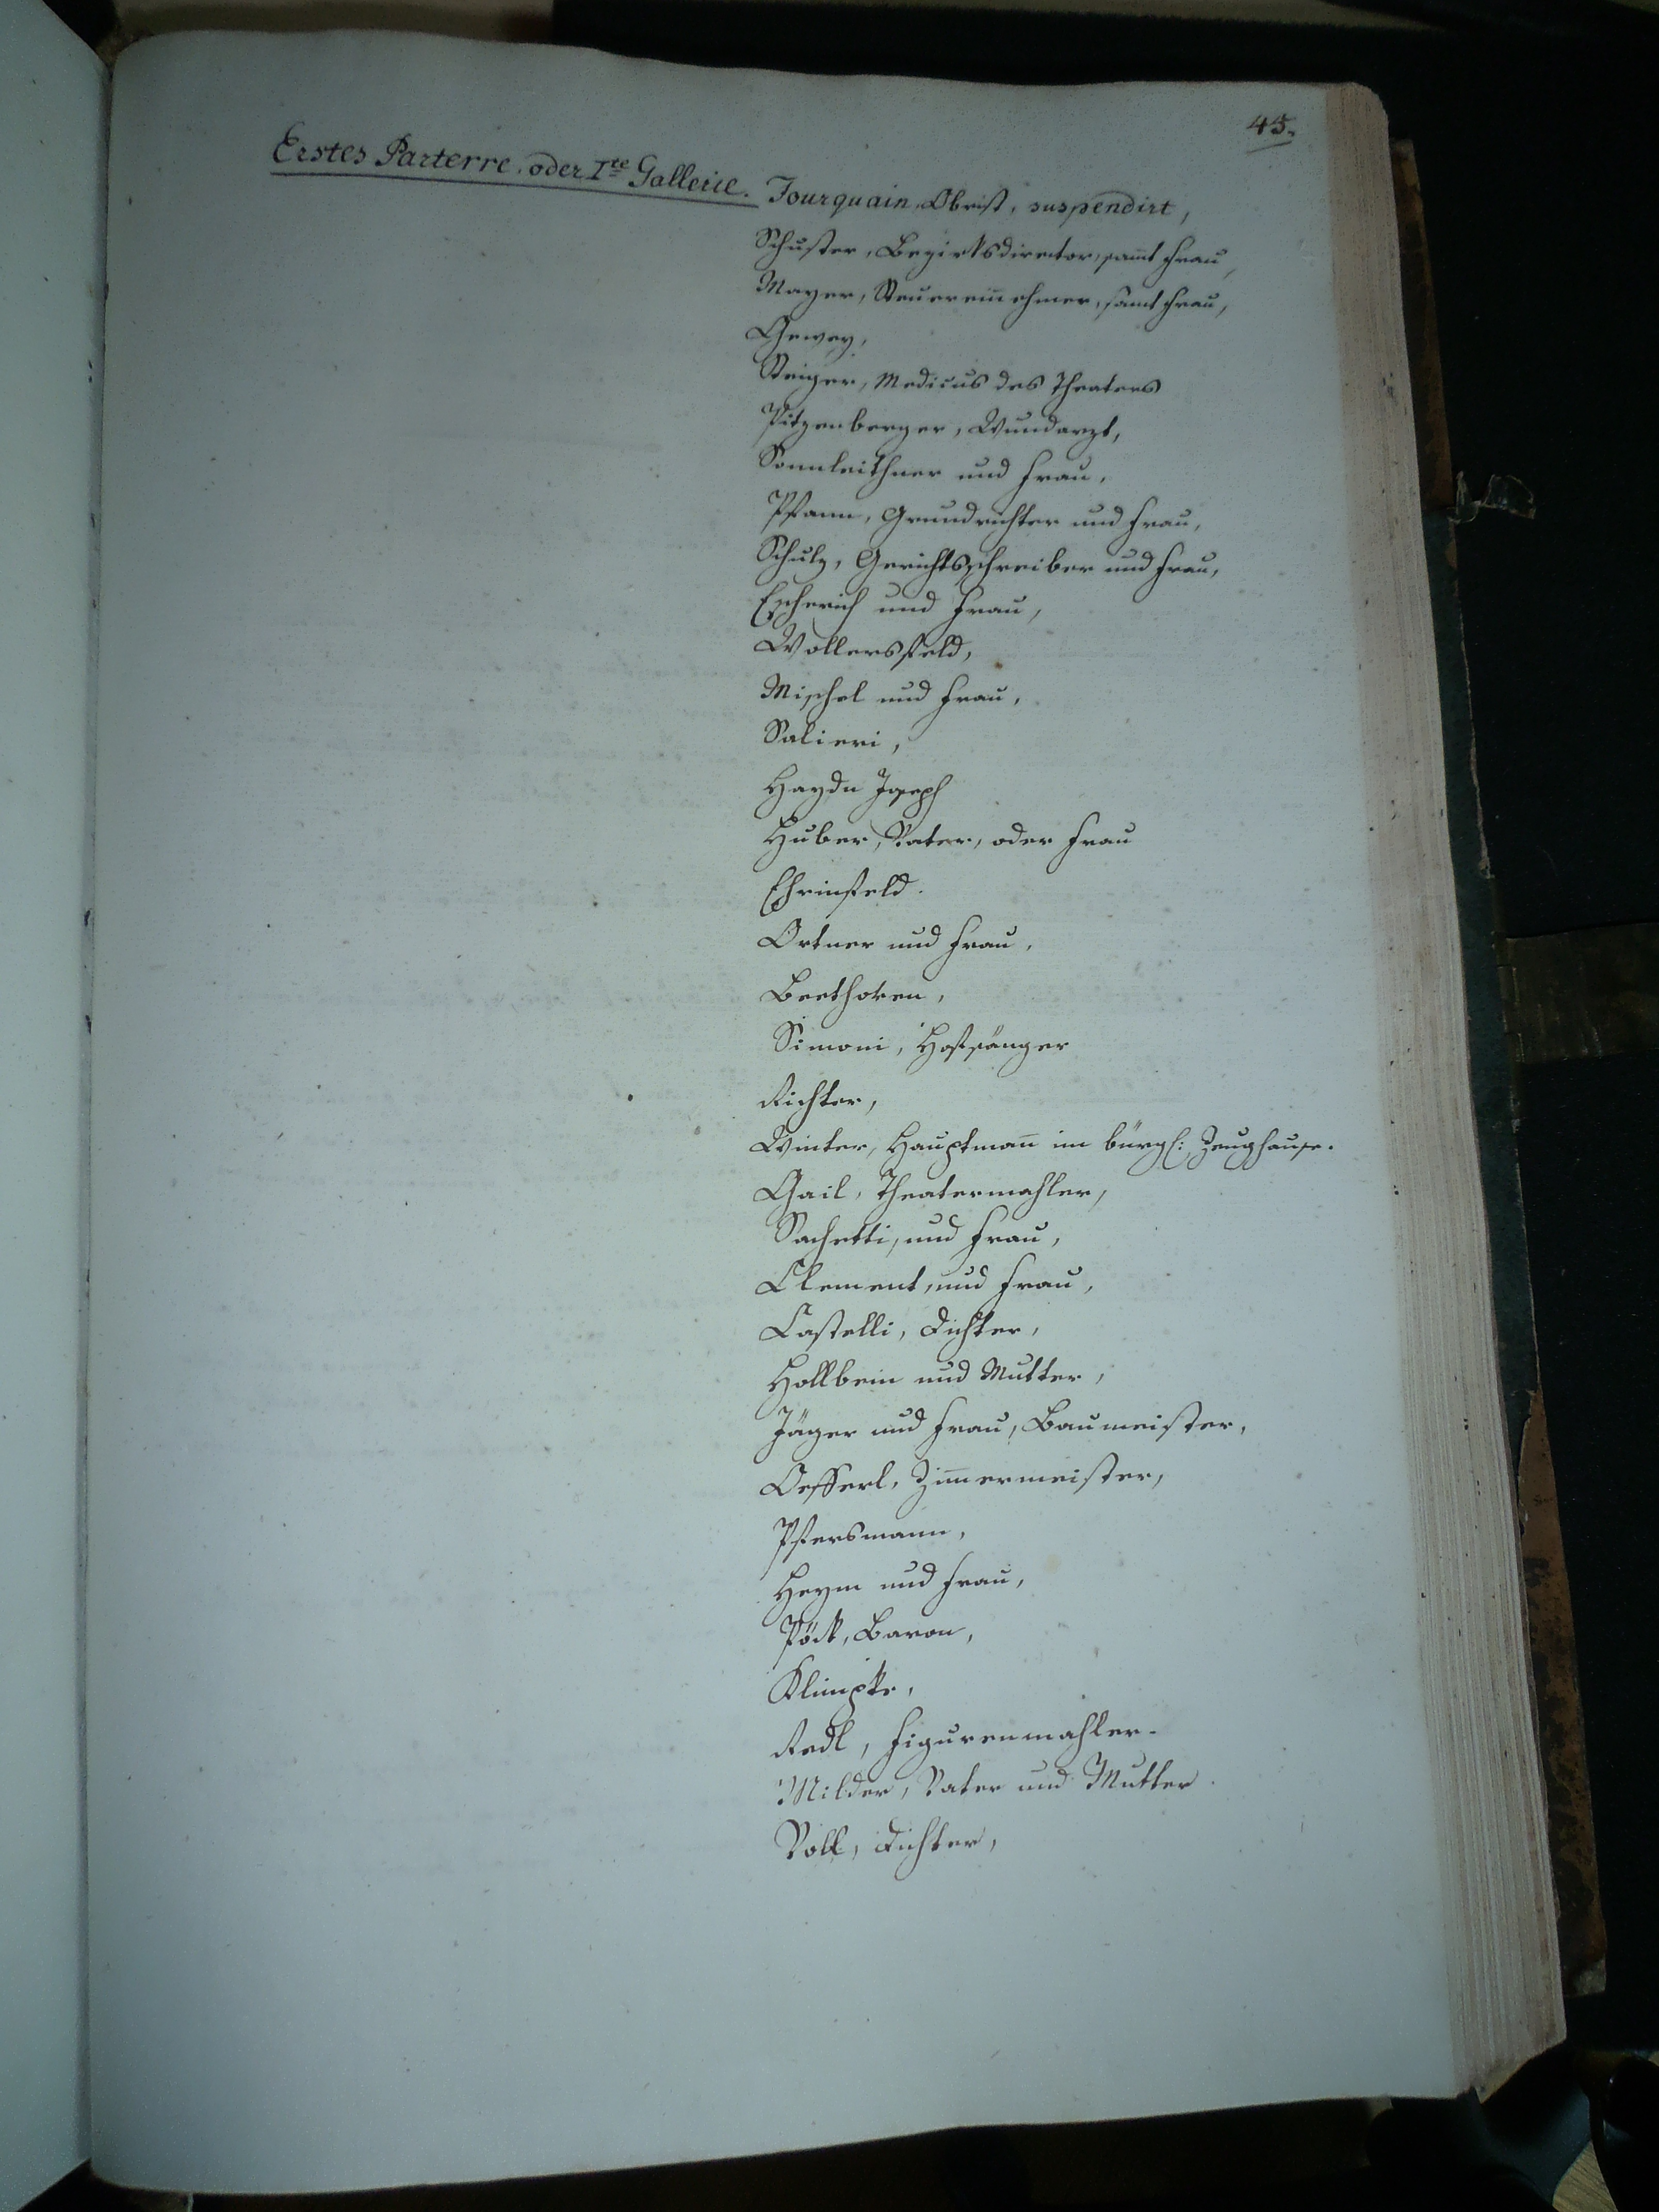45.
Erstes Parterre, oder It͇e Gallerie.
Fourquain, Obrist, suspendirt,
Schuster, Bezirksdirektor, sam̅t Frau,
Mayer, Steuerein̅ehmer, samt Frau,
Gewey,
Steiger, Medicus des Theaters
Pitzenberger, Wundarzt,
Sonnleithner und Frau,
Pfann, Grundrichter und Frau,
Schulz, Gerichtsschreiber und Frau,
Escherich und Frau,
Wollersfeld,
Mischel und Frau,
Salieri,
Haydn Joseph
Huber, Vater, oder Frau
Ehrinfeld.
Ortner und Frau,
Beethoven,
Simoni, Hofsänger
Richter,
Winter, Hauptman̅ im bürgE: Zeughause.
Gail, Theatermahler,
Sachetti, und Frau,
Clement, und Frau,
Castelli, Dichter,
Hollbein und Mutter,
Jäger und Frau, Baumeister,
Oefferl. Zim̅ermeister,
Pfersmann,
Heym und Frau,
Pöck, Baron,
Klimpke,
Redl, Figurenmahler.
Milder, Vater und Mutter
Volk, Dichter,